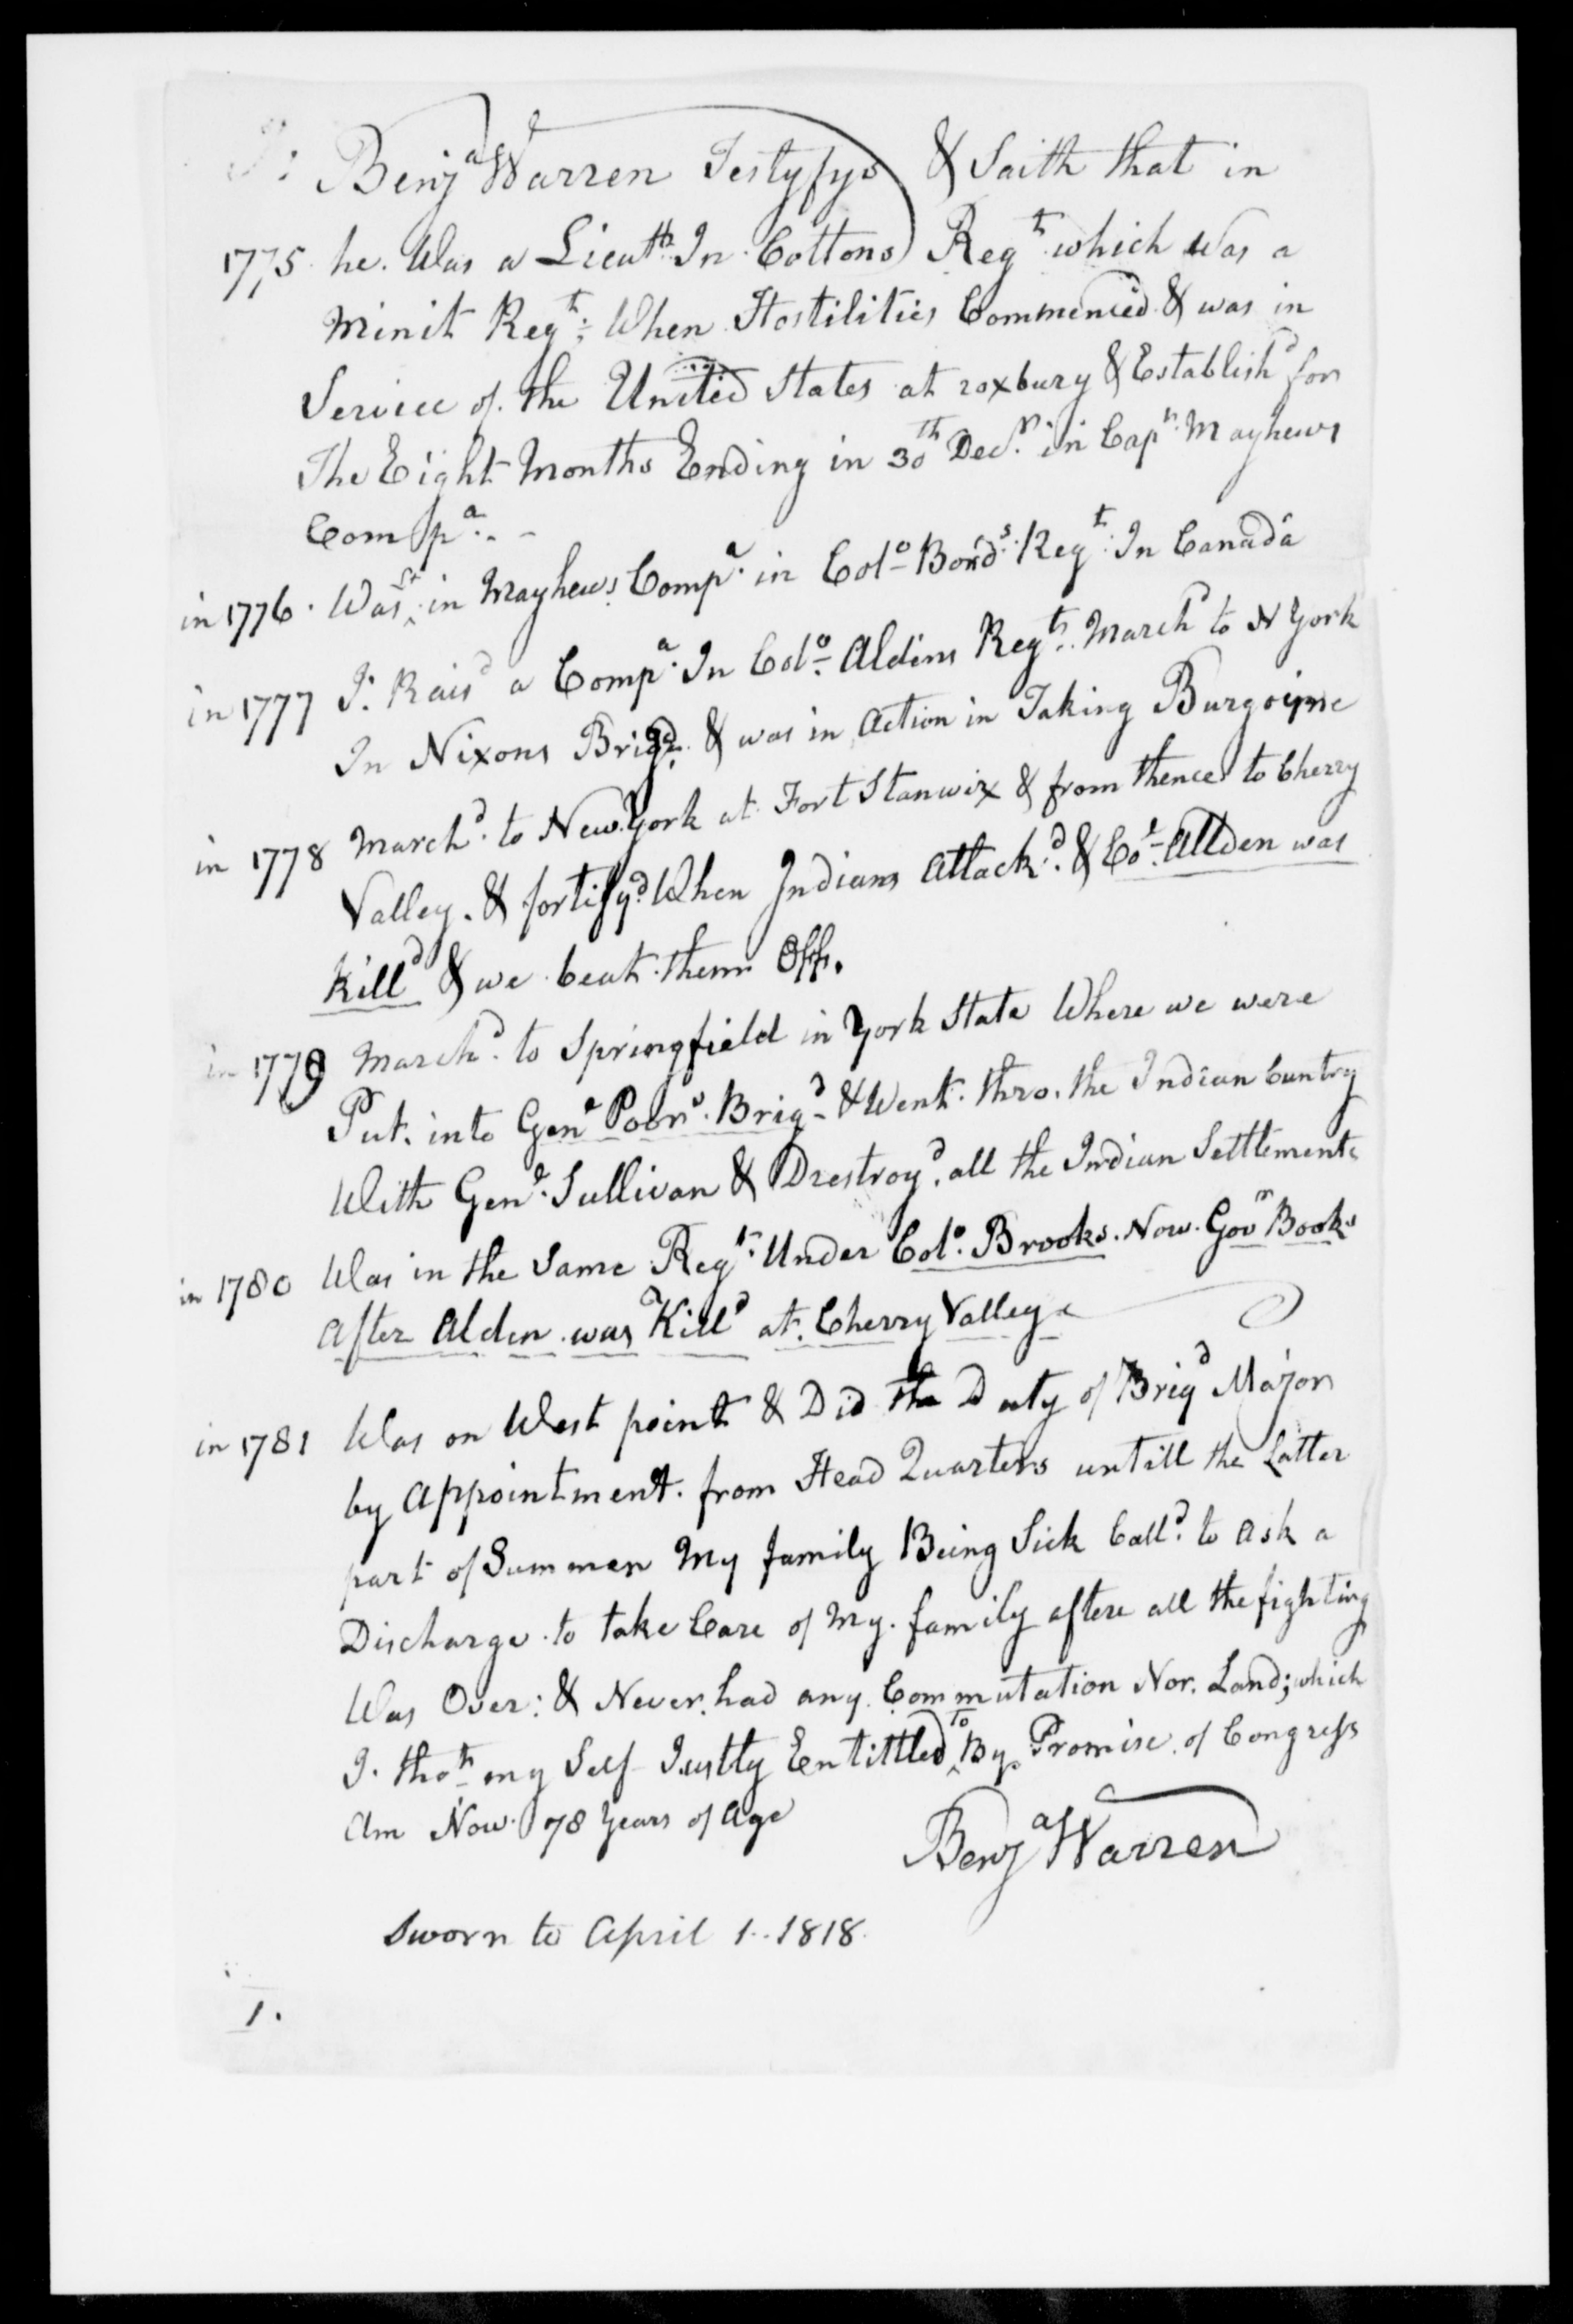I Benj. Warren Testifys & Saith that in 1775 he was a Lieut. in Conn's Regt. which was a minit Regt. When Hostilities commenced & was in service of the United States at roxbury & established for the Eight months ending in 30th Dec. in Apt. Mayhew's Comp.
In 1776 Was in Mayhew's Com. in Col. Bon's Regt. In Canada
In 1777 I Raised a comp. in Col. Aldens Regt. March to N. York in Nixon's Brigade & was in action in Taking Burgoyne
In 1778 Marched to New York at Fort Stanwix & from thence to Cherry Valley & fortifyd When Indians attacked & Col. Alden was killed & we beat them off.
In 1779 March to Springfield in York State where we were put into Gen. Poon Brig. & went thru the Indian cuntry with Genl. Sullivan & Destroyd all the Indian Settlements
In 1780 Was in the same Regt. under Col. Brooks Now Gen. Brooks after Alden was killed at Cherry Valley
In 1781 Was on West point & did the Duty of Brig. Major by appointment from Head Quarters untill the latter part of Summer. My family being sick called to ask a discharge to take care of my family after all the fighting was over & never hand any commutation Nor Land which I thot my self Justly entitled to by Promise of Congress. Am now 78 years of age.
Benj. Warren
Sworn to April 1 1818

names: Brooks, Benja Warren, Sullivan, Drestroy, Benja Warren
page: 4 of 16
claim: survivor's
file: S. 33229, Benjamin Warren, Mass.